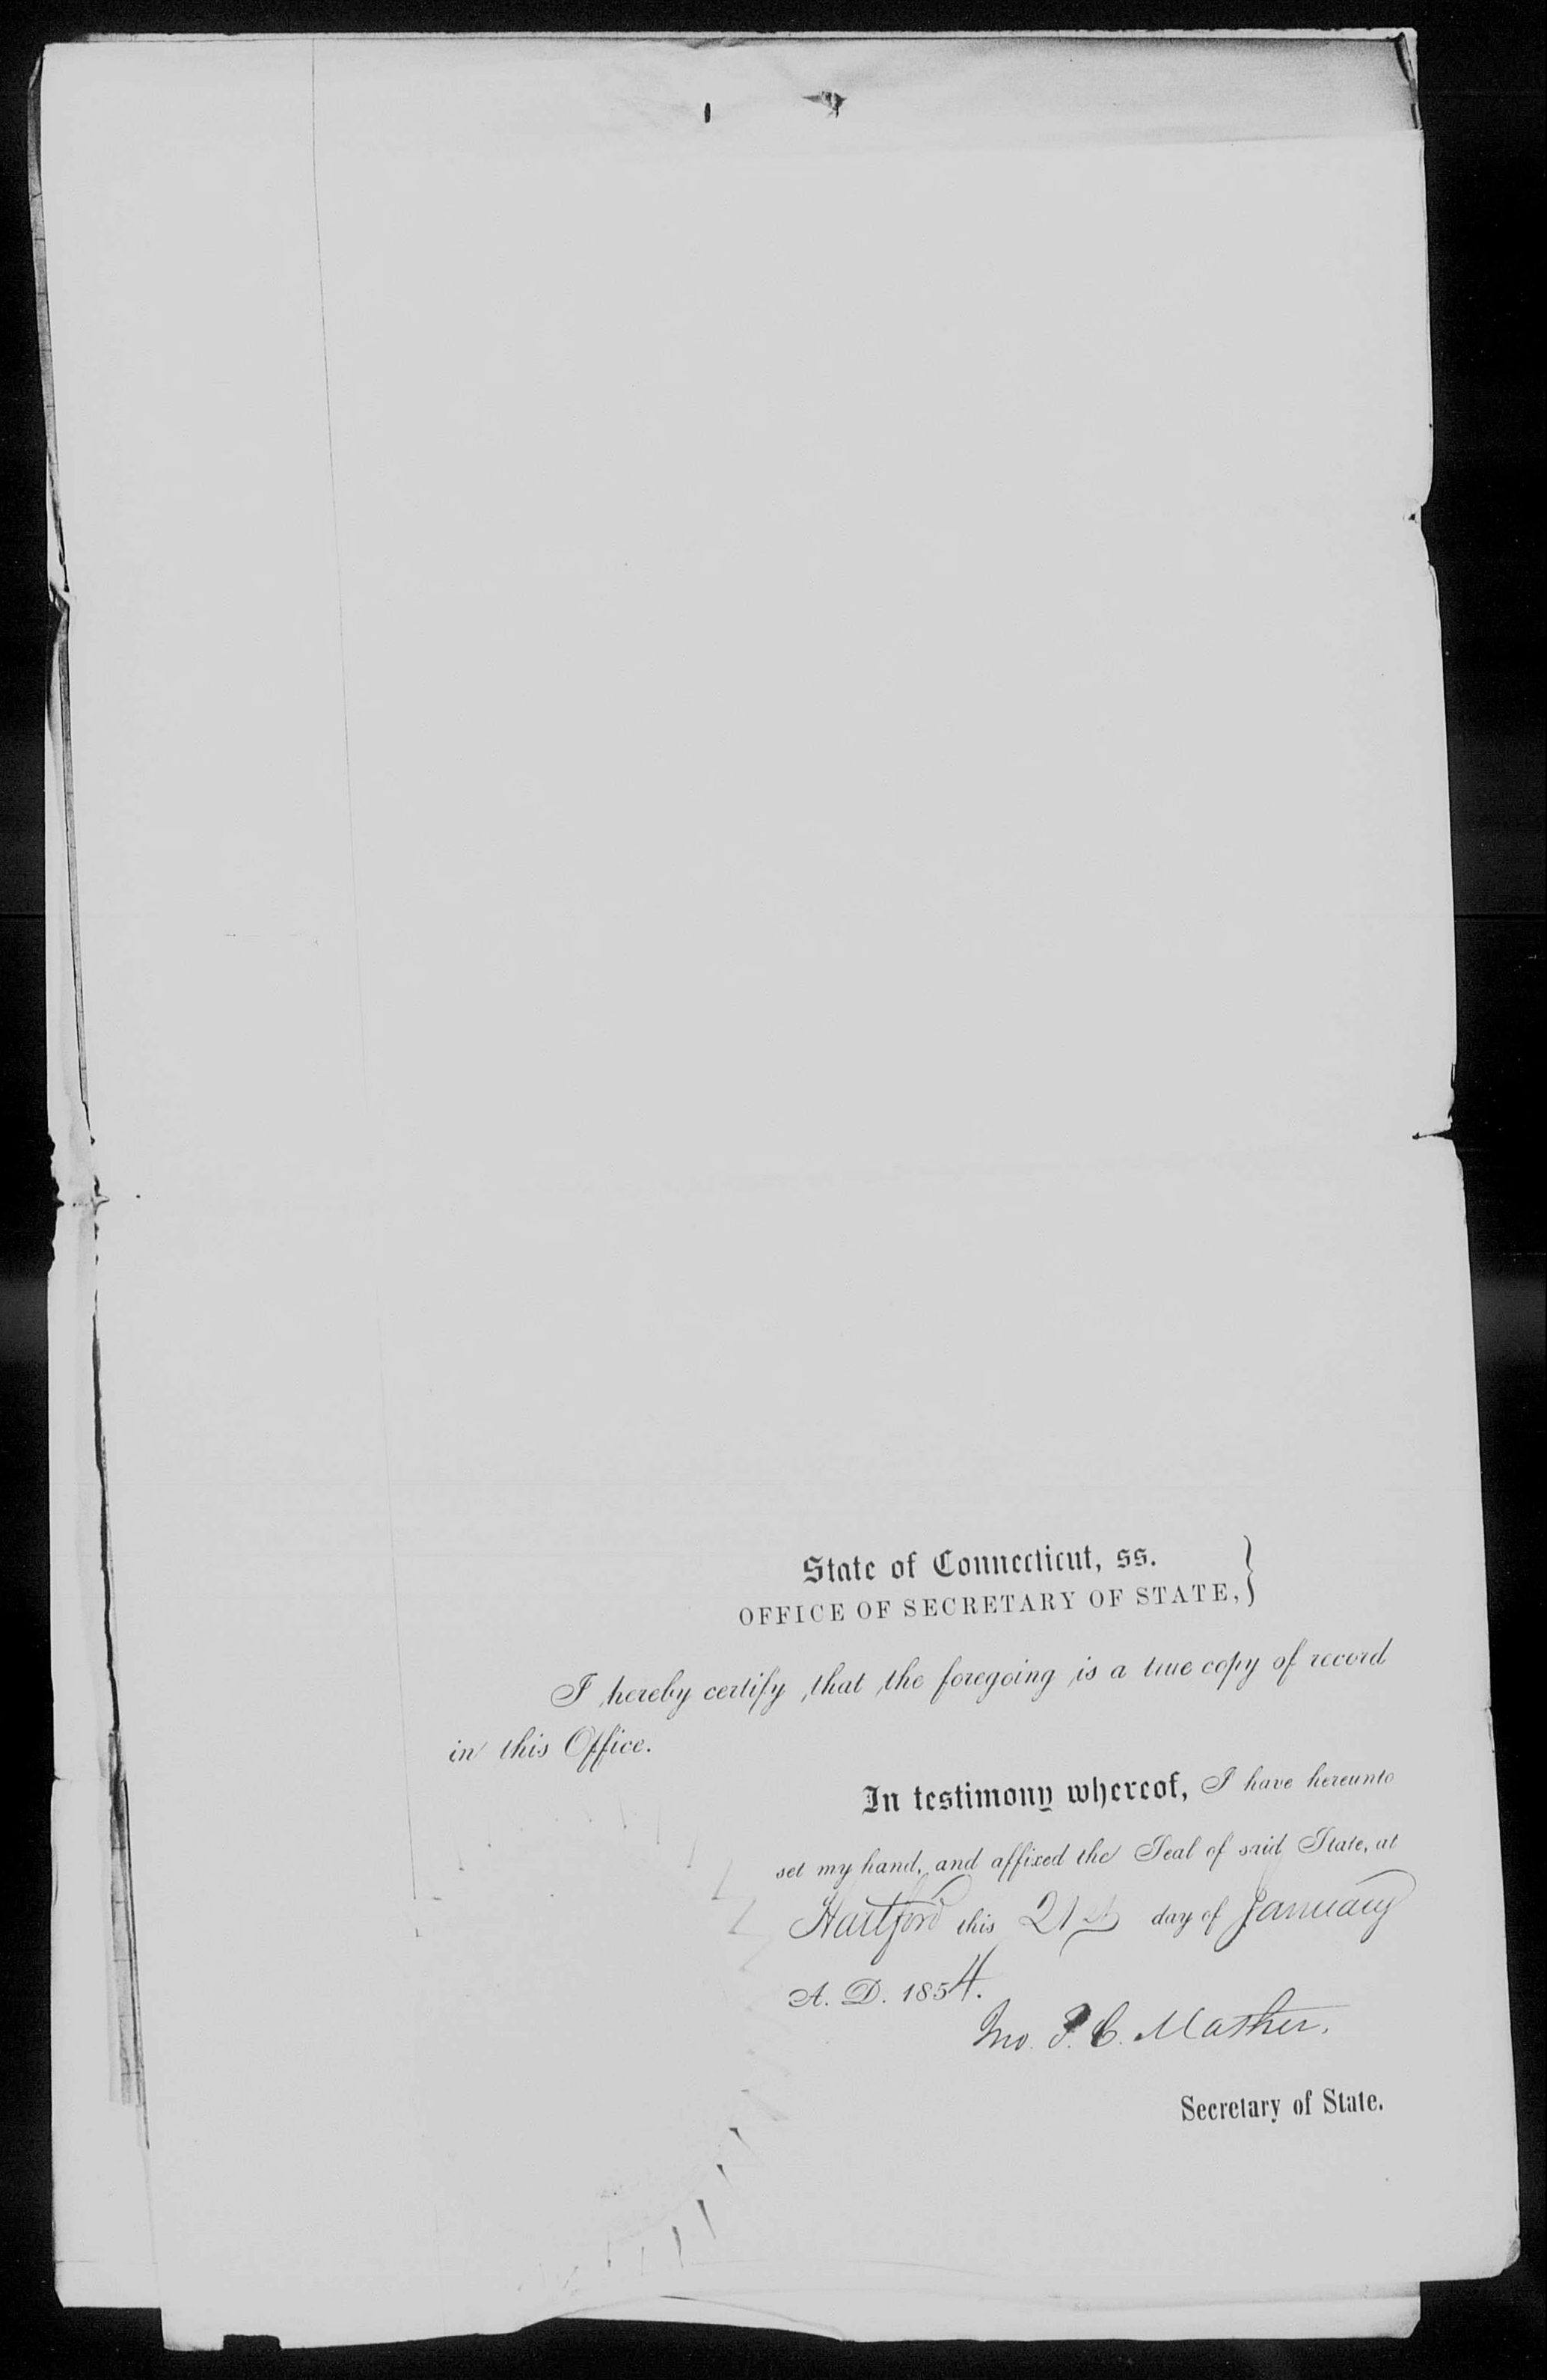State of Connecticut, ss.
OFFICE OF SECRETARY OF STATE, }

I hereby certify that the foregoing is a true copy of record in this Office.

In testimony whereof, I have hereunto set my hand, and affixed the Seal of said State, at Hartford this 21st day of January A.D. 1854.
Jno. J. C. Mather,
Secretary of State.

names: Jno P C Mather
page: 86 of 106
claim: survivor's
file: S 23,116., Joshua Benedict, Conn.